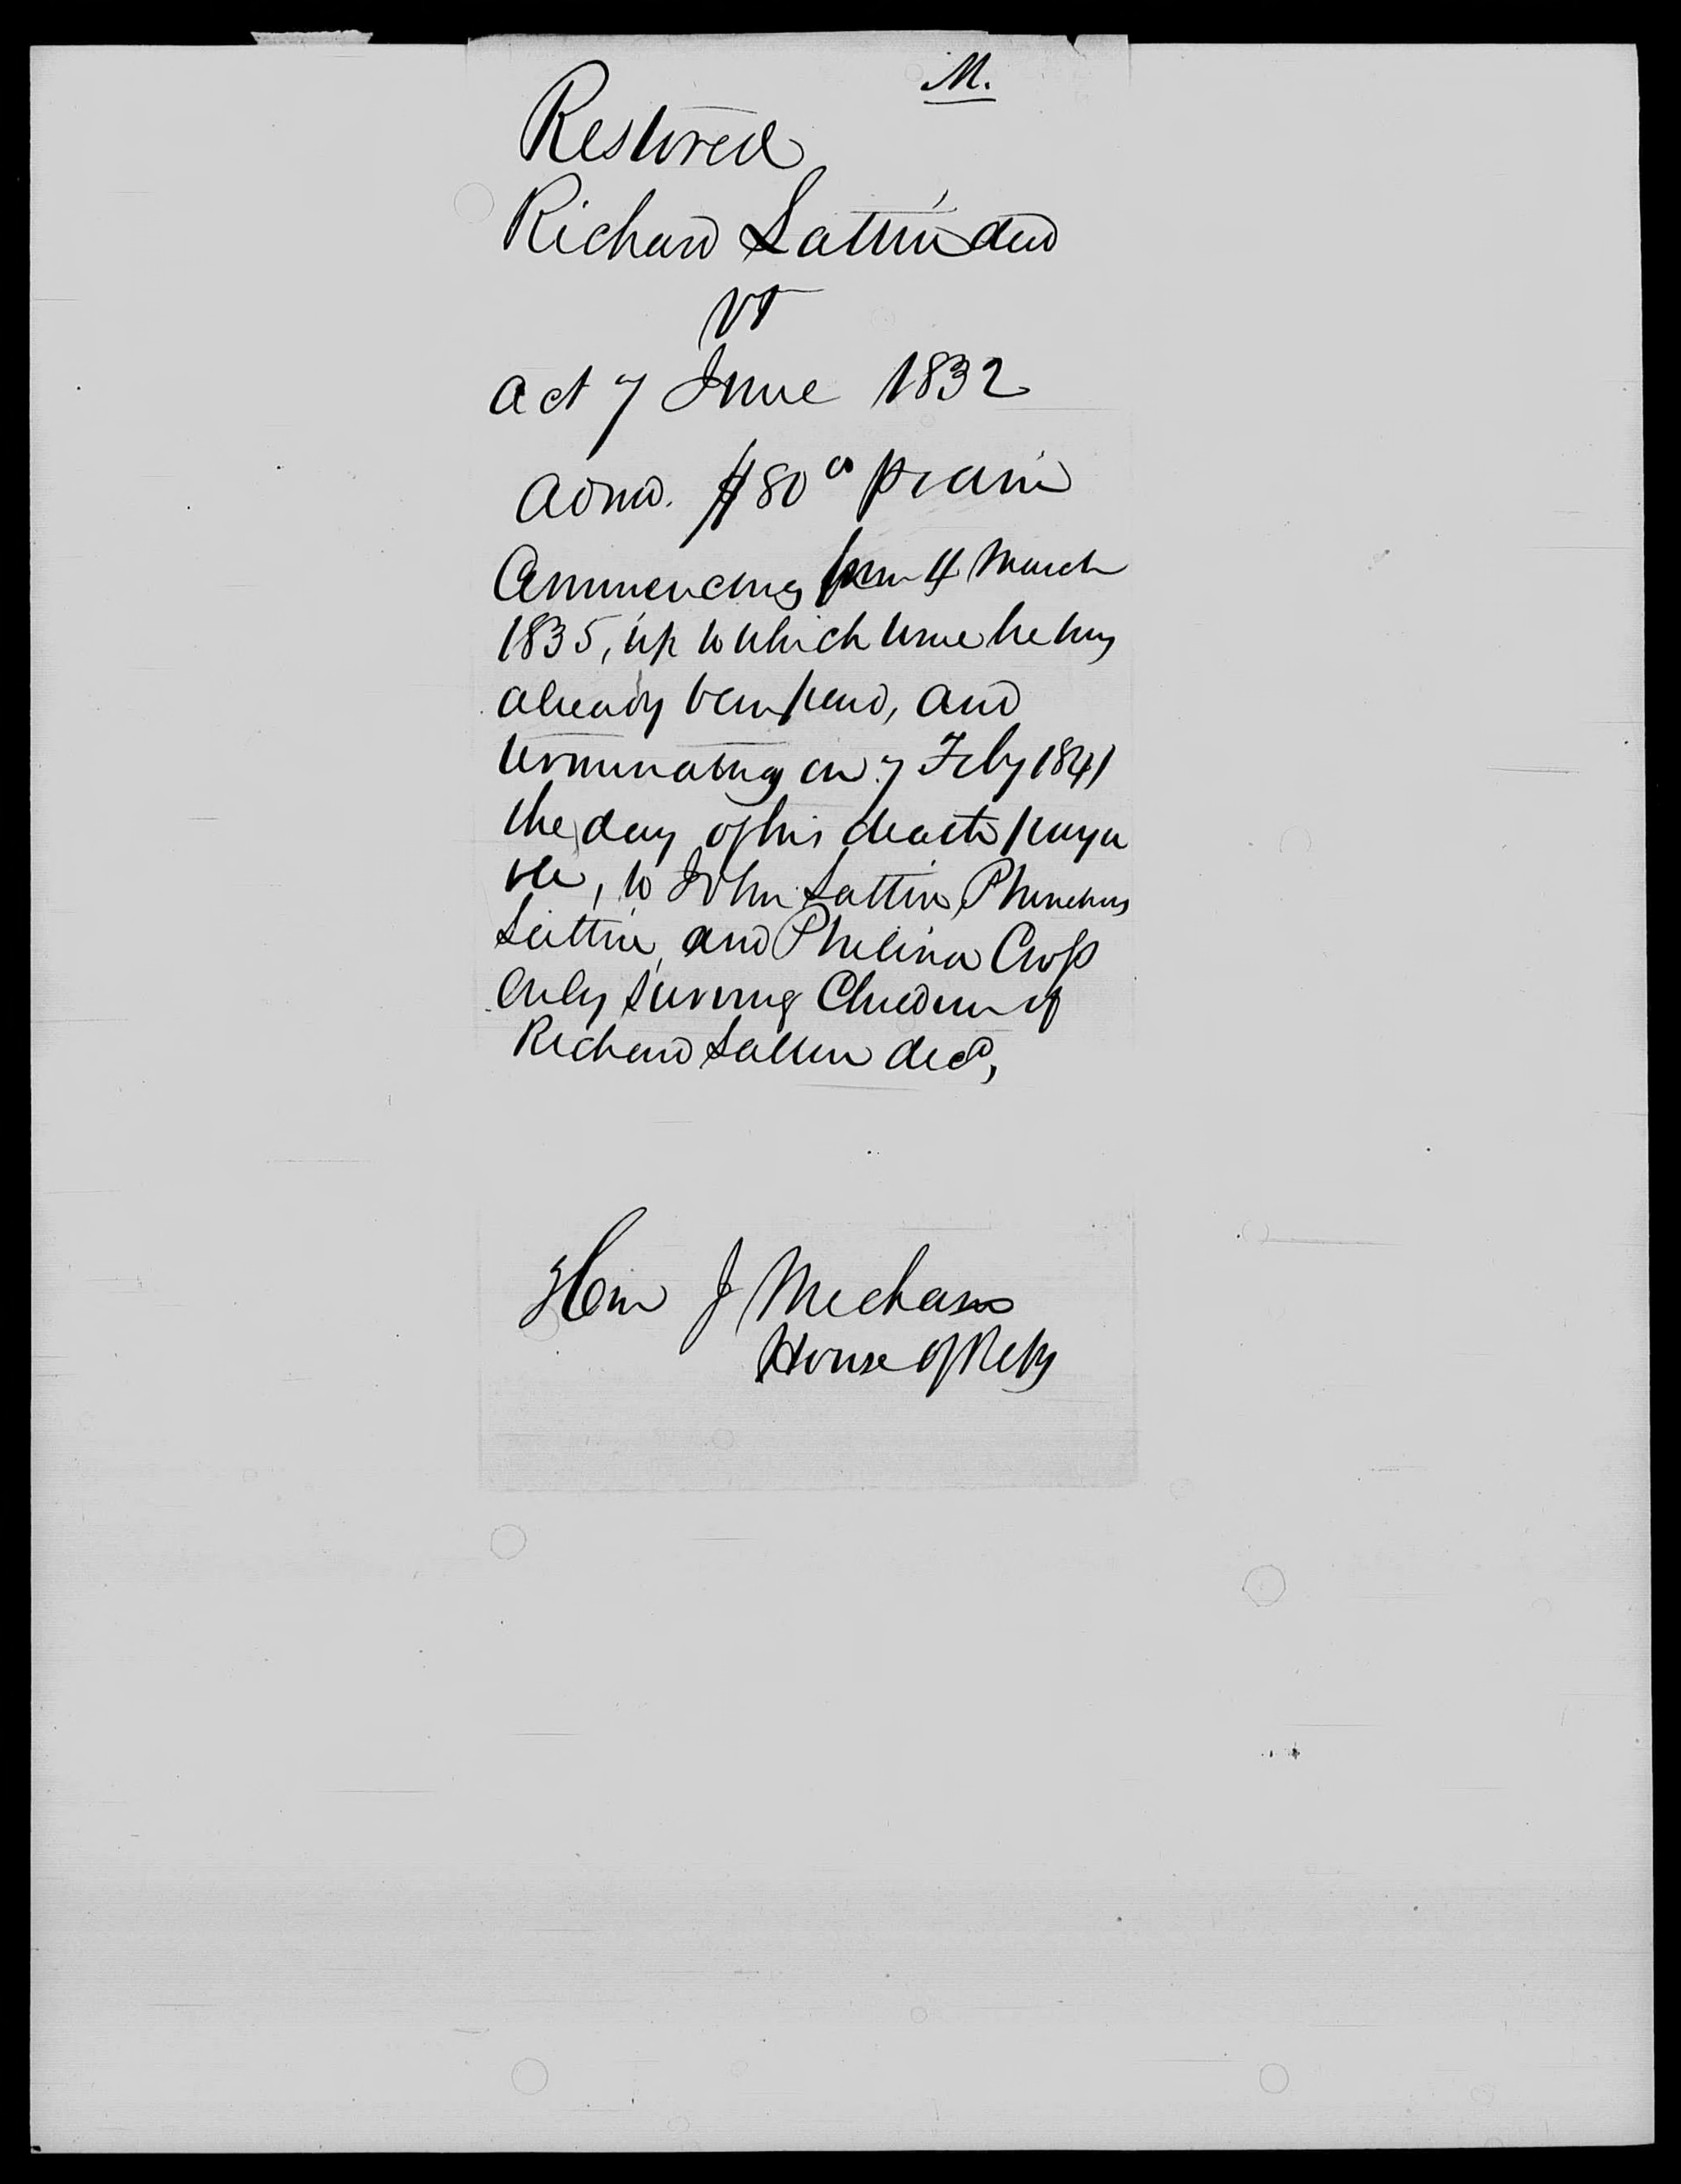M.
Restored
Richard Lattin dec’d
Vt
Act 7 June 1832

Admd. $80 Pr ann.
Commencing from 4 March
1835, up to which time he may
already been paid, and terminating
on 7 Feby 1841
the day of his death, 
payable to John Lattin, Phinehas
Lattin, and Phelina Cross
only surviving Children of
Richard Lattin dec’d

Hon J Meacham
House of Reps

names: Richard Lattin; Phelina Cross; J Mecham; Phinehas Lattin; John Lattin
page: 73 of 99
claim: widow's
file: W. 24,482, for Richard Lattin, Vermont